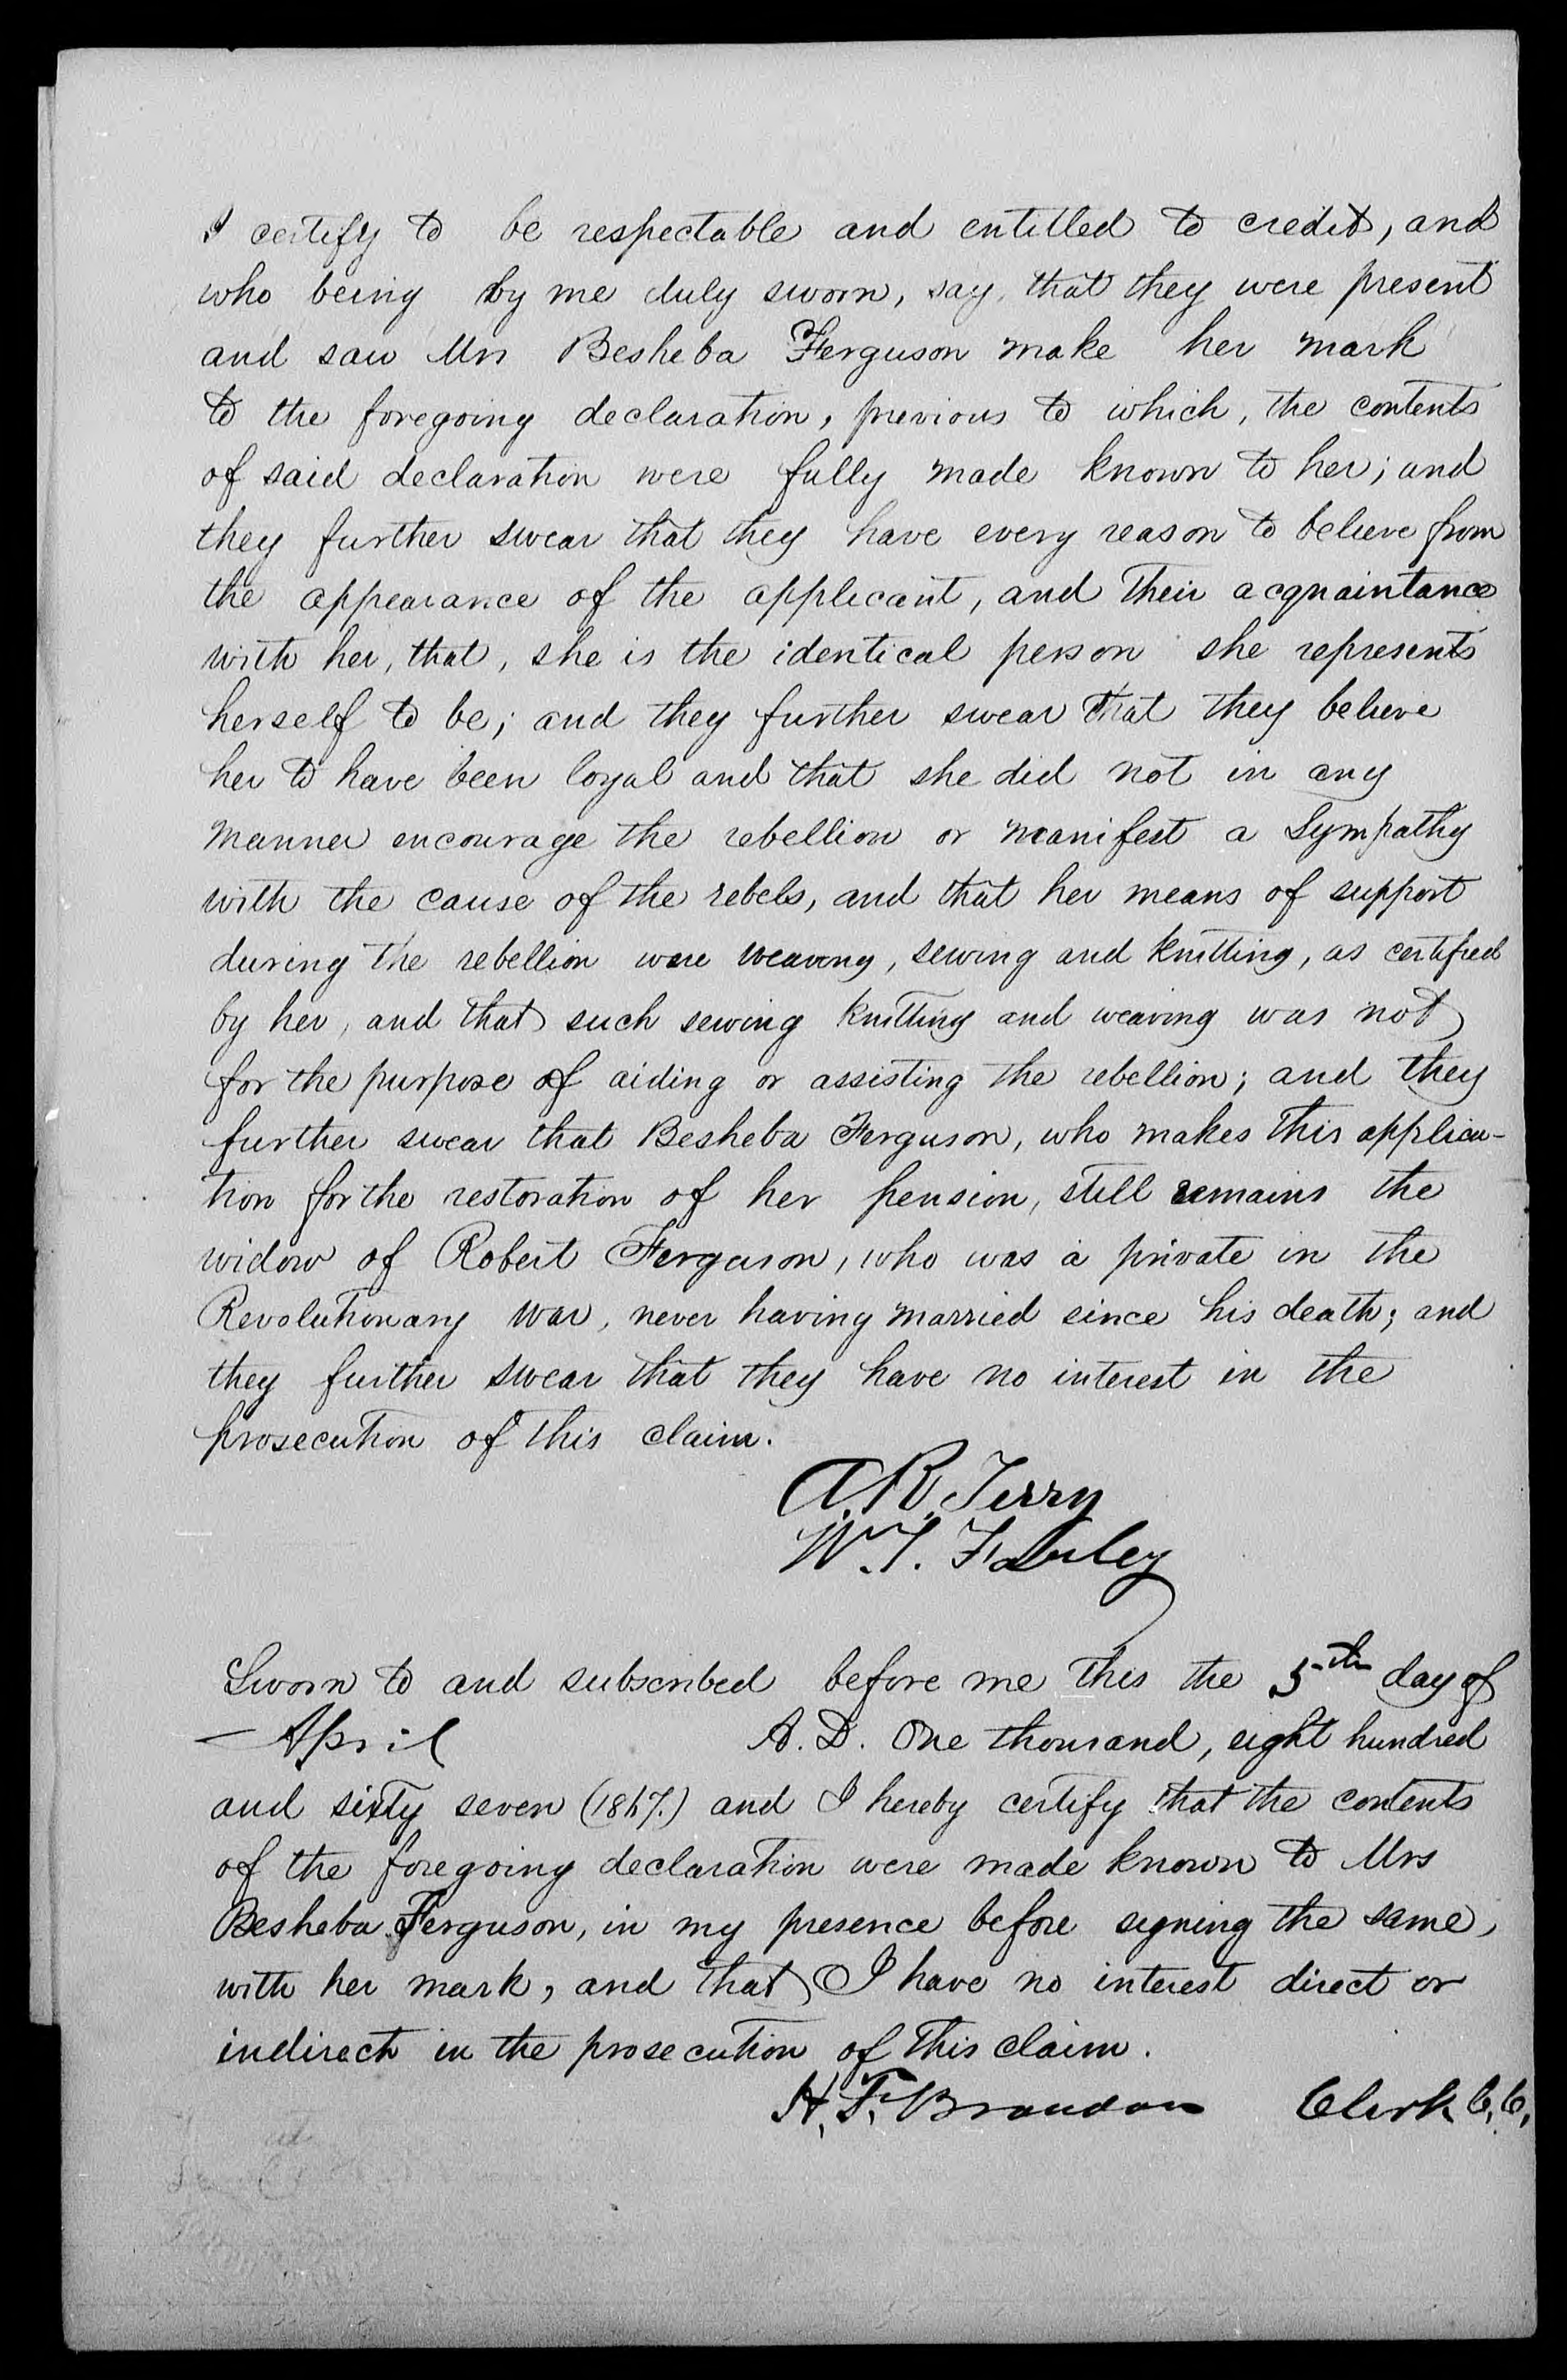I certify to be respectable and entitled to credit, and who being by me duly sworn, say tht they were present and saw Mrs Besheba Ferguson make her mark to the foregoing declaration, previous to which, the contents of said declaration were fully made known to her, and they further swear that they have every reason to believe from the appearance that the applicate, and their acquaintance with her, that she is the identical person she represents herself to be, and they further swear that they believe her to have been loyal and that she did not in any manner encourage the rebellion or manifest a sympanty withteh cuase of the rebels, and that her means of support during the rebellion were weaving, sewing, and knitting as certified by her, and that such sewing knitting and weaving was not for the purpose of aiding or assisting the rebellion; and they further swear that Besheba Ferguson, who makes this application for the restoration of her pension, still remains the widow of Robert Ferguson, who was a private in the Revolutionary War, never having married since his death, and they further swear that they have no interest in the prosecution of this claim.
A.R. Terry
W.T. Farley
Sworn to and subscribed before me this the 5th day of April A.D. One thousand, eight hundred and sixty seven (1867.) and I herby certify that the contents of the foregoing declaration were made known to Mrs Besheba Ferguson, in my presence before signing the same, with her mark, and that I have no interest direct or indirect in the prosecution of this claim.
H.F. Brandon Clerk [illegible]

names: H F Brandon, W T Farley, A R Terry, Besheba Ferguson, Robert Ferguson, Besheba Ferguson, Besheba Ferguson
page: 50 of 81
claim: widow's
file: W. 7262, Robert Ferguson, Va.